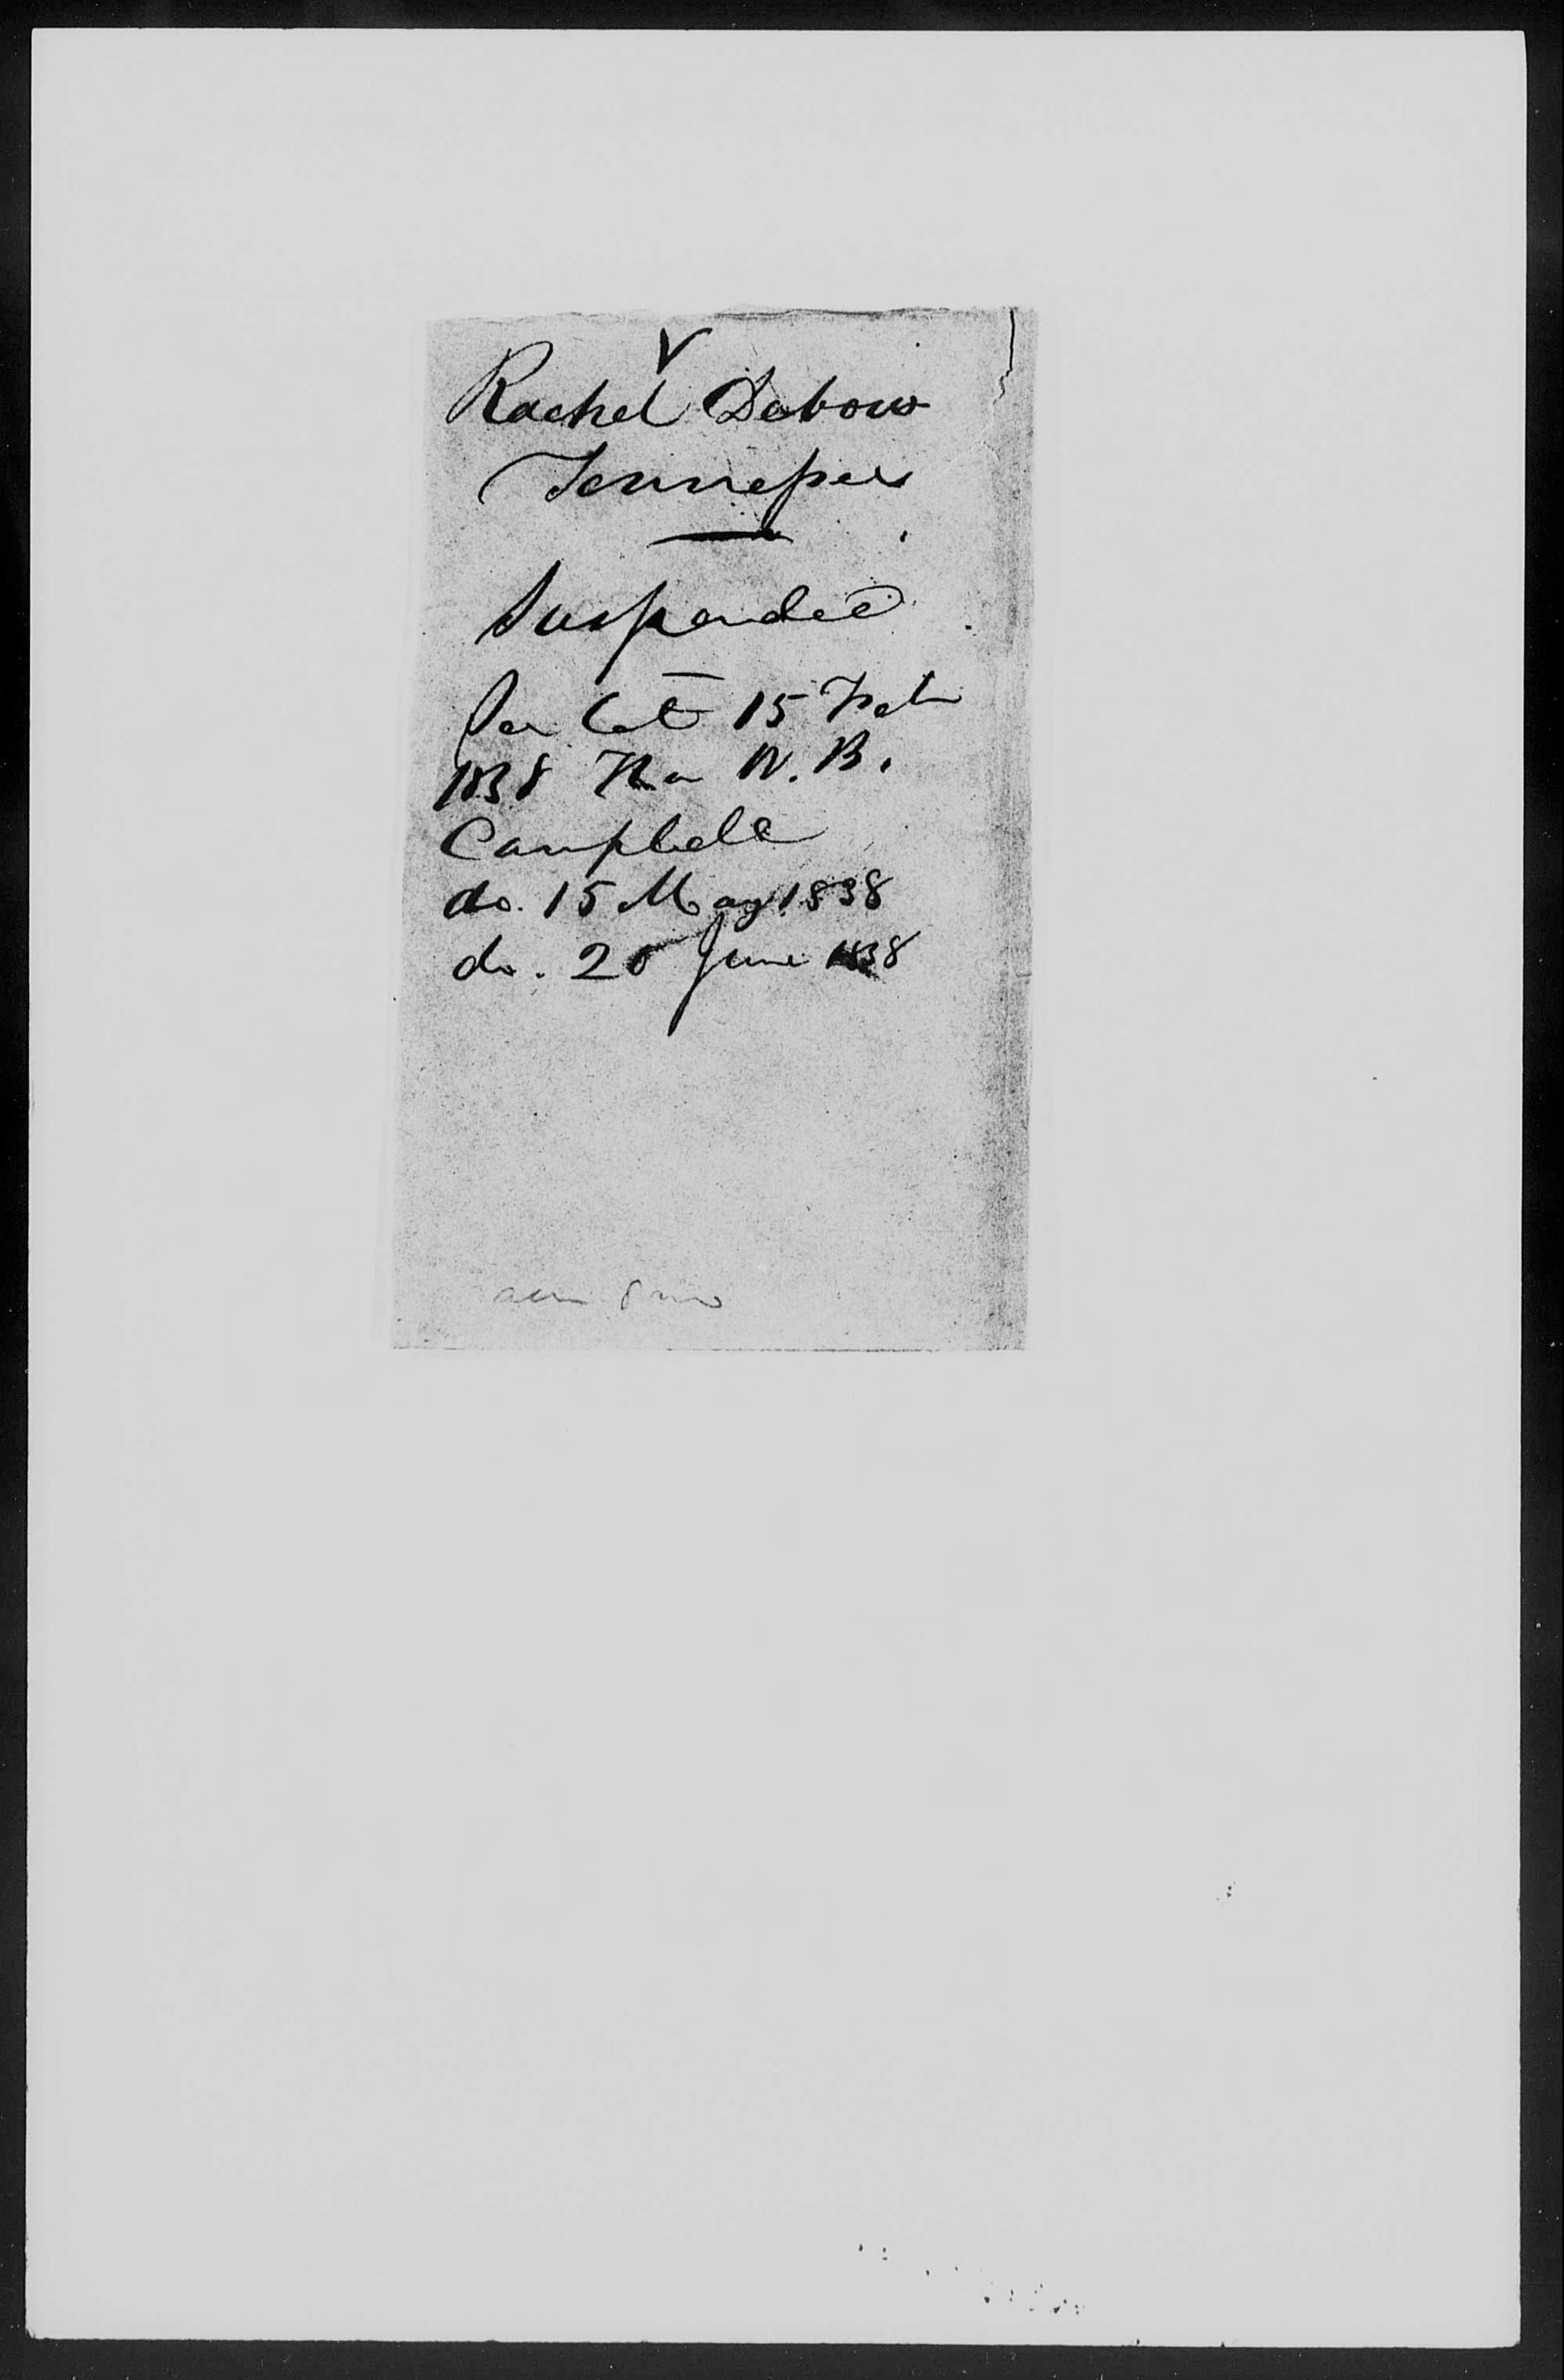V
Rchel Debow
Tennessee
--
Suspended
Per [illegible] 15 [illegible]
1838 [illegible] W.B.
[illegible] 
Do. 15 May 1838
Do.  20 June 1838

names: Rachel Debow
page: 23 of 62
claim: widow's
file: W 7005, Frederick Debow, N.C.